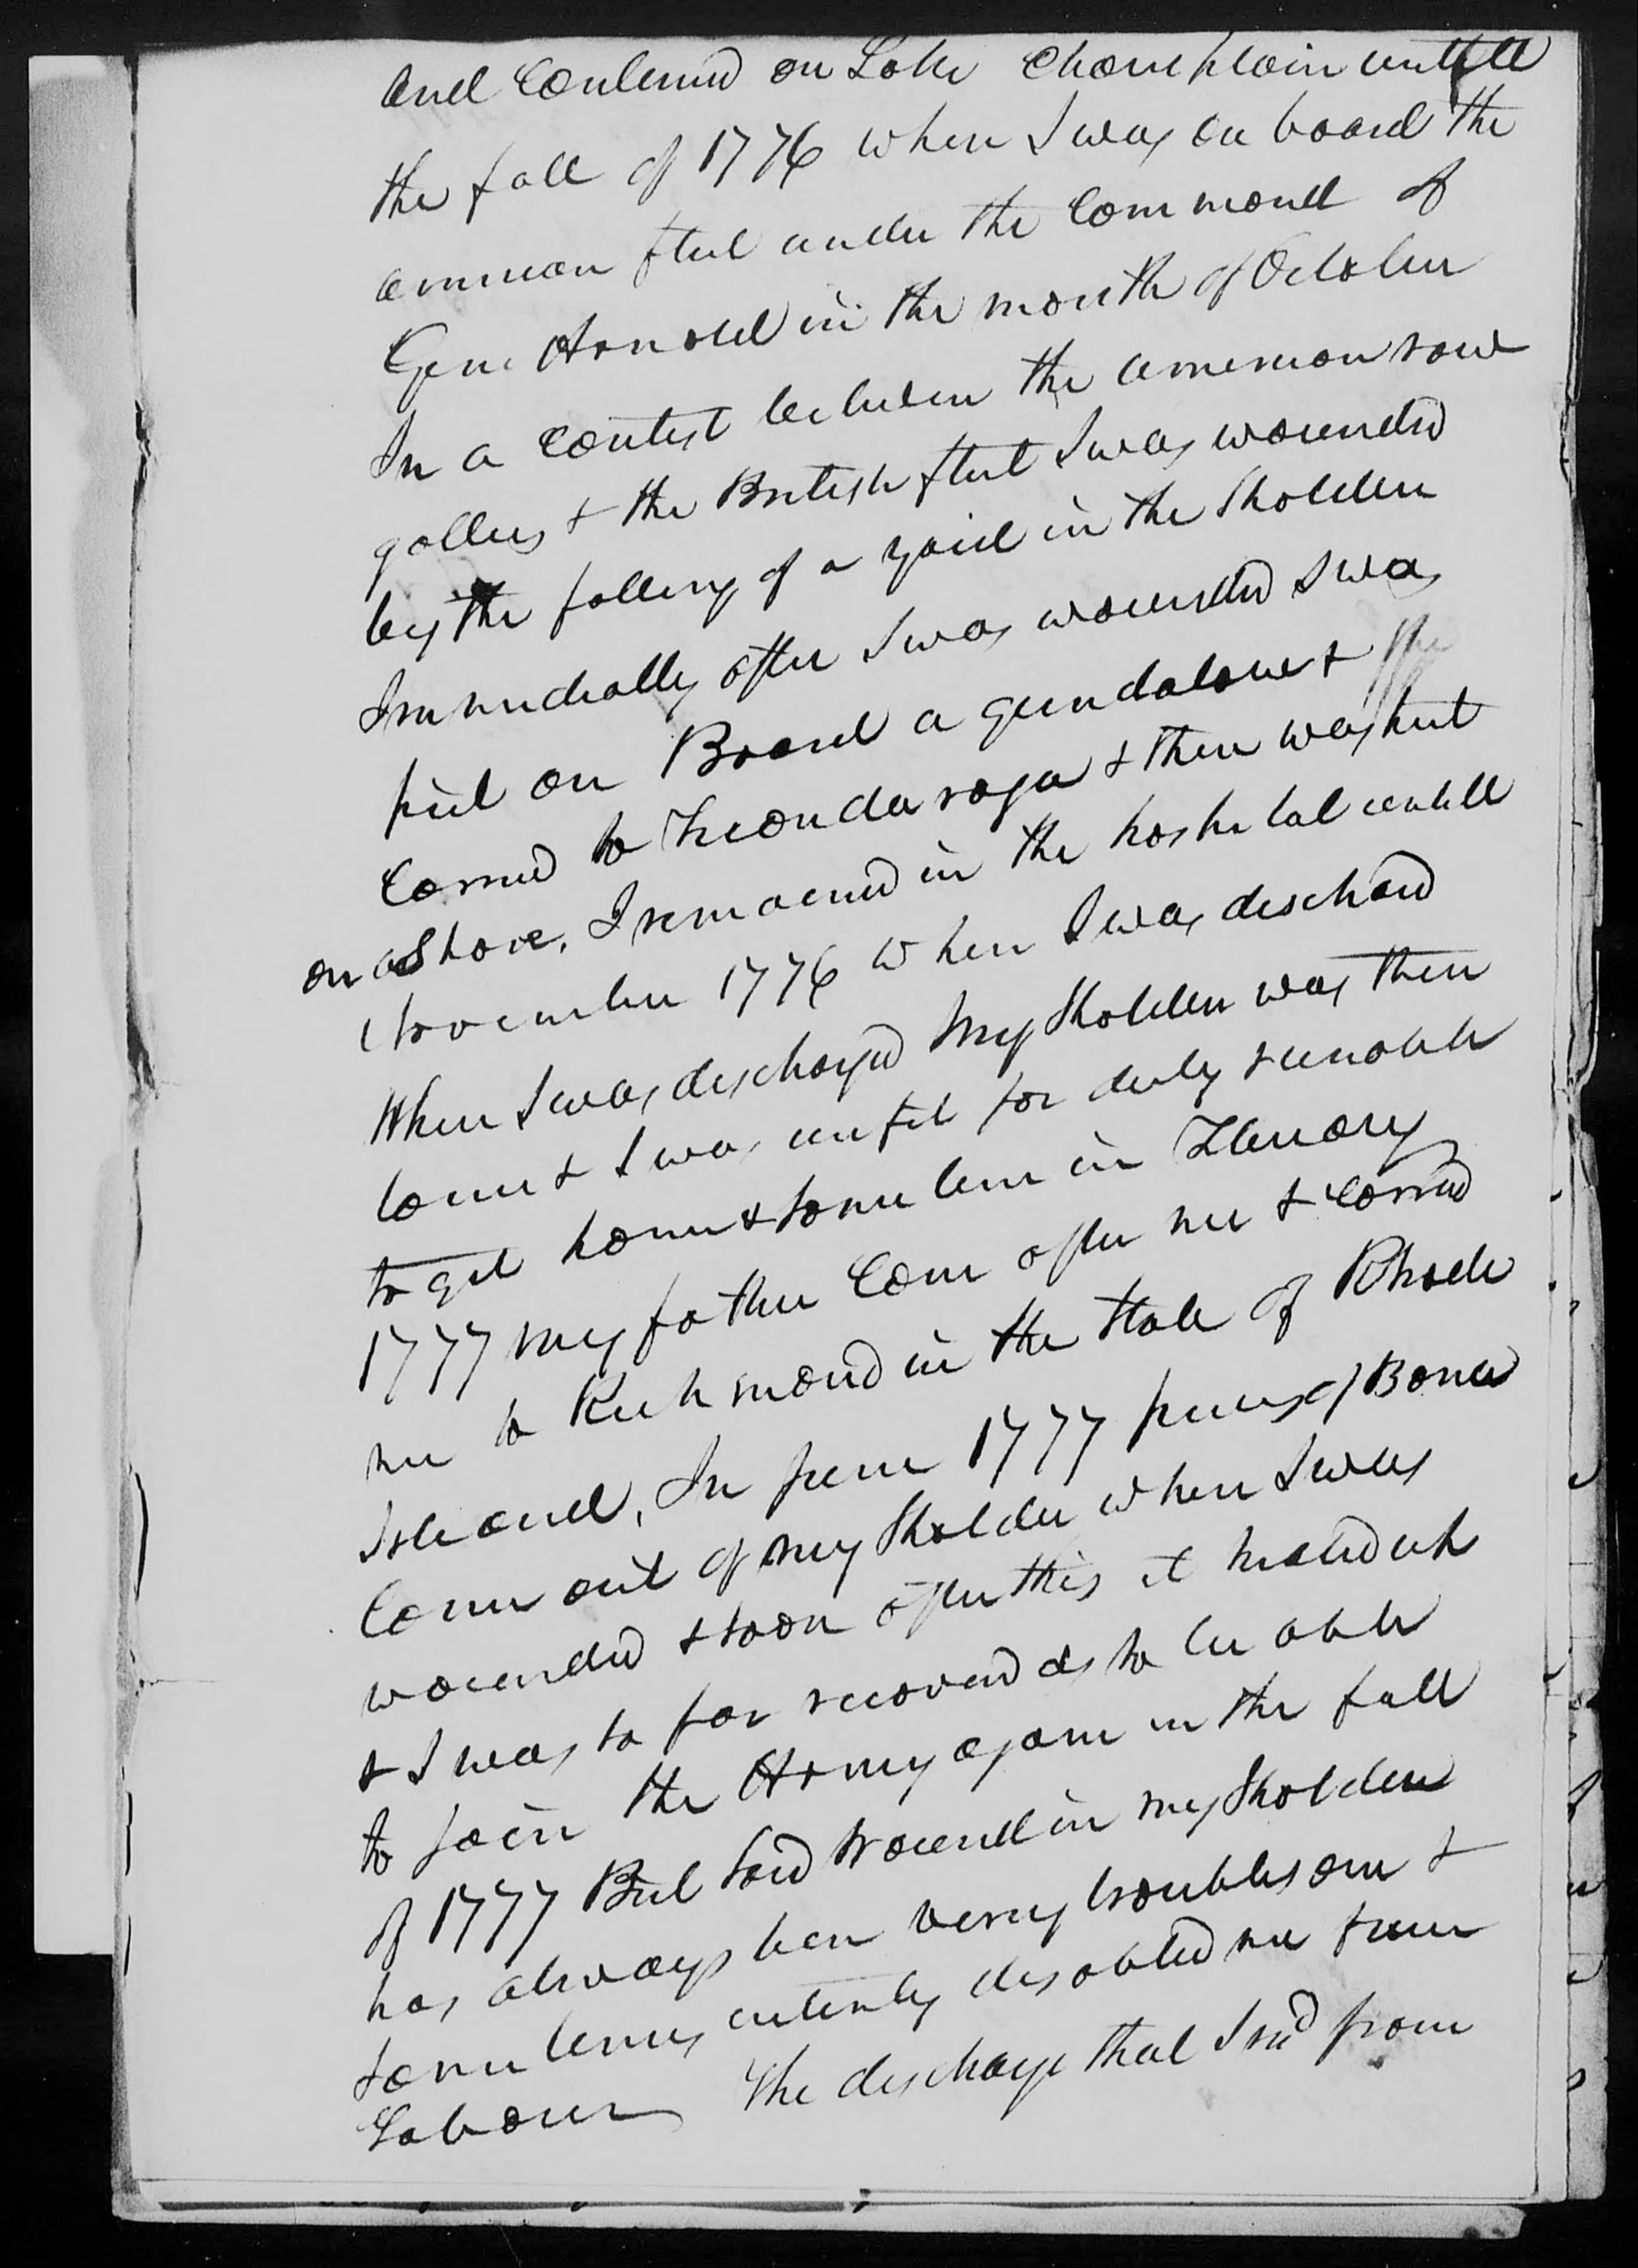and continued on Lake Champlain untill [sic] the fall of 1771 when I was on board the american fleet under the command of Gen. Arnold in the month of October In a contest between the american said galley & the British fleet I was wounded by the falling of a [illegible] in the shoulder Immediately after I was wounded I was put on Board a gundalow & come to Ticondaroga & there was put on shore. I remained in the hospital untill November 1776 when I was discharged When I was discharged my shoulder was then lower & I was unfit for duty & unable [illegible] in February 1777 my father came after me &  to get home & carried me to Richmond in the State of Rhode Island. In June 1777 huge bones came out of my sholder when I was wounded & soon after this it healed  up & I was so far recovered & unable to join the Army again in the fall of 1777 But said wound in my sholder has always been very troublesome & [illegible] disabled me from labour The discharge that said [illegible]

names: Arnold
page: 60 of 100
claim: survivor's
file: S 19186, James Austin, Conn. New York R.I.